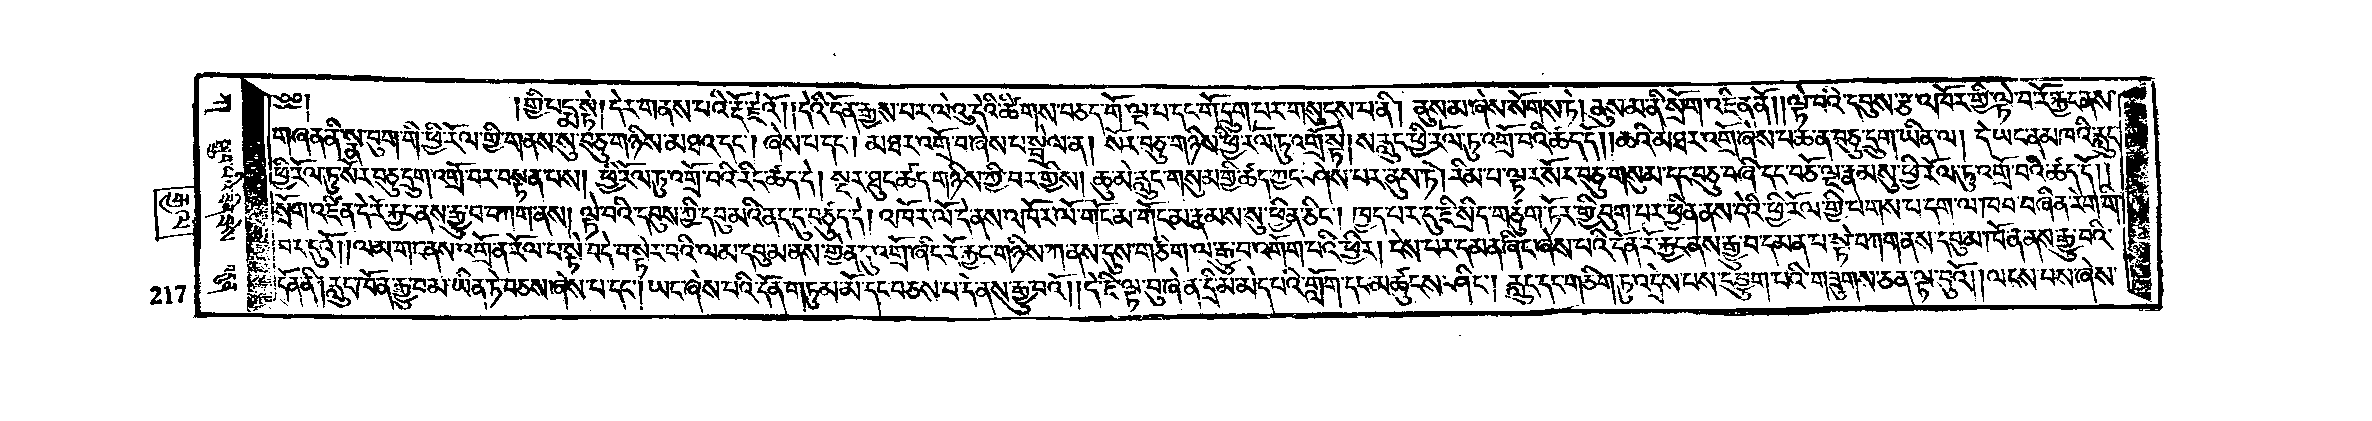༄༅། །གྱི་པདམ་སྟེ། དེར་གནས་པའི་རྡོ་རྗེའོ། །དེའི་དོན་རྒྱས་པར་ལེའུ་དེའི་ཚིགས་བཅད་གོ་ལྔ་པ་དང་གོ་དྲུག་པར་གསུངས་པ་ནི། ནུས་མ་ཞེས་སོགས་ཏེ། ནུས་མ་ནི་སྲོག་འཇིན་ནོ། །ལྟེ་བའི་དབུས་རྩ་འཁོར་གྱི་ལྟེ་བ་རོ་རྐྱང་ནས་
གཞན་ནི་སྣ་བུག་གི་ཕྱི་རོལ་གྱི་གནས་སུ་བཅུ་གཉིས་མཐའ་དང་། ཞེས་པ་དང་། མཐར་འགྲོ་བ་ཞེས་པ་སྤྲེལ་ན། སོར་བཅུ་གཉིས་ཕྱི་རོལ་ཏུ་འགྲོ་སྟེ། ས་རླུང་ཕྱི་རོལ་ཏུ་འགྲོ་བའི་ཚད་དོ། །ཆའི་མཐར་འགྲོ་ཞེས་པ་ཆ་ན་བཅུ་དྲུག་ཡིན་ལ། དེ་ཡང་ནམ་མཁའི་རླུང་
ཕྱི་རོལ་ཏུ་སོར་བཅུ་དྲུག་འགྲོ་བར་བསྟན་པས། ཕྱི་རོལ་ཏུ་འགྲོ་བའི་རིང་ཚད་དེ། སྔར་ཐུང་ཚད་གཉིས་ཀྱི་བར་གྱིས། ཆུ་མེ་རླུང་གསུམ་གྱི་ཚད་ཀྱང་ཤེས་པར་ནུས་ཏེ། རིམ་པ་ལྟར་སོར་བཅུ་གསུམ་དང་བཅུ་བཞི་དང་བཅོ་ལྔ་རྣམས་སུ་ཕྱི་རོལ་ཏུ་འགྲོ་བའི་ཚད་དོ། །
སྲོག་འཛིན་དེ་རོ་རྐྱང་ནས་རྒྱུ་བ་བཀག་ནས། ལྟེ་བའི་དབུས་ཀྱི་དབུ་མའི་ནང་དུ་བཙུད་དེ། འཁོར་ལོ་དེ་ནས་འཁོར་ལོ་གོང་མ་གོང་མ་རྣམས་སུ་ཕྱིན་ཅིང་། ཁྱད་པར་དུ་ཇི་སྲིད་གཙུག་ཏོར་གྱི་བུག་པར་ཕྱིན་ནས་དེའི་ཕྱི་རོལ་གྱི་པགས་པ་དག་ལ་ཁབ་བཞིན་རེག་གི་
བར་དུའོ། །ལམ་གང་ནས་འགྲོ་ན་རོལ་པ་སྟེ་བདེ་བ་སྟེར་བའི་ལམ་དབུ་མ་ནས་གྱེན་དུ་འགྲོ་ཞིང་རོ་རྐྱང་གཉིས་ཀ་ནས་དུས་གཅིག་ལ་རྒྱུ་བ་འགོག་པའི་ཕྱིར། ངེས་པར་དམན་ཞིང་ཞེས་པའི་དོན་རོ་རྐྱང་ནས་རྒྱུ་བ་དམན་པ་སྟེ་བཀག་ནས་དབུ་མ་ཁོ་ན་ནས་རྒྱུ་བའི་
དོན་ནི། རླུང་ཁོ་ན་རྒྱུ་བ་མ་ཡིན་ཏེ་བཅས་ཞེས་པ་དང་། ཡང་ཞེས་པའི་དོན་གཏུམ་མོ་དང་བཅས་པ་དེ་ནས་རྒྱུ་བའོ། །དེ་ཇི་ལྟ་བུ་ཞེ་ན་དྲི་མ་མེད་པའི་གློག་དང་མཚུངས་ཤིང་། རླུང་དང་གཅིག་ཏུ་འདྲེས་པས་དབྱུག་པའི་གཟུགས་ཅན་ལྟ་བུའོ། ལངས་པས་ཞེས་